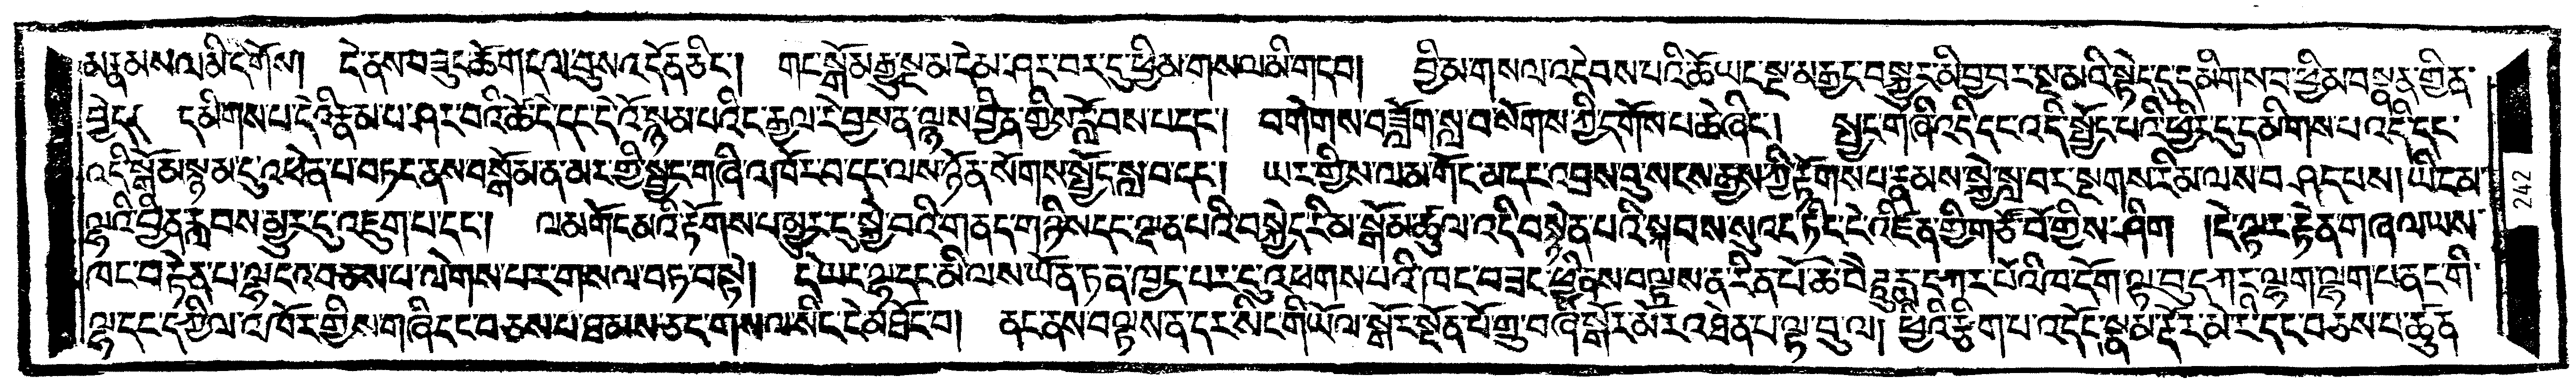མ་རྣམས་ལ་མི་དགོས། དེ་ནས་བཟུང་ཆོ་གདལ་བུས་འདོན་ཅིང་། གང་སྒོམ་རྒྱུ་སྔ་མ་དེ་མ་ཤར་བར་དུ་ཕྱི་མ་གསལ་མི་གདབ། བྱི་མ་གསལ་འདེབས་པའི་ཚེ་ཡང་སྔ་མ་རྒྱད་བསྒྱུར་མི་བྱ་བར་སྔ་མའི་སྟེང་དུ་དམིགས་པ་ཕྱི་མ་བསྣན་གྱིན་
བྱེད༑ དམིགས་པ་དེའི་རྣམ་པ་ཤར་བའི་ཚེ་དེ་དང་དེའོ་སྙམ་པའི་ང་རྒྱལ་རེ་བྱས་ན་ལྷས་བྱིན་གྱིས་རློབས་པ་དང་། བགེགས་བཟློག་སླ་བ་སོགས་ཀྱི་དགོས་པ་ཆེ་ཞིང་། སྦྱང་གཞི་འདི་དང་འདི་སྤྱོད་པའི་ཕྱིར་དུ་དམིགས་པ་འདི་དང་
འདི་སྒོམ་སྙམ་དུ་འཕེན་པ་བཏང་ནས་བསྒོམ་ན་མར་གྱི་སྦྱང་གཞི་འཁོར་བ་དང་ལས་ཉོན་སོགས་སྤྱོད་སླ་བ་དང་། ཡར་གྱིས་ལམ་གོང་མ་དང་འབྲས་བུ་སངས་རྒྱས་ཀྱི་རྟོགས་པ་རྣམས་སྐྱེ་སླ་བར་སྔགས་རིམ་ལས་བཤད་པས། ཡི་དམ་
ལྷའི་བྱིན་རླབས་མྱུར་དུ་འཇུག་པ་དང་། ལམ་གོང་མའི་རྟོགས་པ་མྱུར་དུ་སྐྱེ་བའི་གནད་གཉིས་དང་ལྡན་པའི་བསྐྱེད་རིམ་སྒོམ་ཚུལ་འདི་བསྙེན་པའི་སྐབས་སུའང་ཏིང་ངེ་འཛིན་གྱི་གཙོ་བོ་གྱིས་ཤིག །དེ་ལྟར་རྟེན་གཞལ་ཡས་
ཁང་བརྟེན་པ་ལྷ་དང་བཅས་པ་ལེགས་པར་གསལ་བཏབ་སྟེ། དེ་ཡང་ལྷ་དང་མི་ལས་ཡོན་ཏན་ཁྱད་པར་དུ་འཕགས་པའི་ཁང་བཟང་ཕྱི་ནས་བལྟས་ན་རིན་པོ་ཆེ་བཻཌཱུརྱ་དཀར་པོའི་ཁ་དོག་ལྟ་བུ་དཀར་ལྷག་ལྷག་པ་ནང་གི་
ལྷ་དང་དཀྱིལ་འཁོར་གྱིས་གཞི་དང་བཅས་པ་ཐམས་ཅད་གསལ་སེང་གེ་མཐོང་བ། ནང་ནས་བལྟས་ན་དར་སེང་གེ་ཡོལ་སྒོར་སྔོན་པོ་གྲུ་བཞི་སྒོར་མོར་འཐེན་པ་ལྟ་བུ་ལ། ཕྱིའི་རྩིག་པ་འདོད་སྣམ་རྡོར་མེ་རི་དང་བཅས་པ་ཚུན་